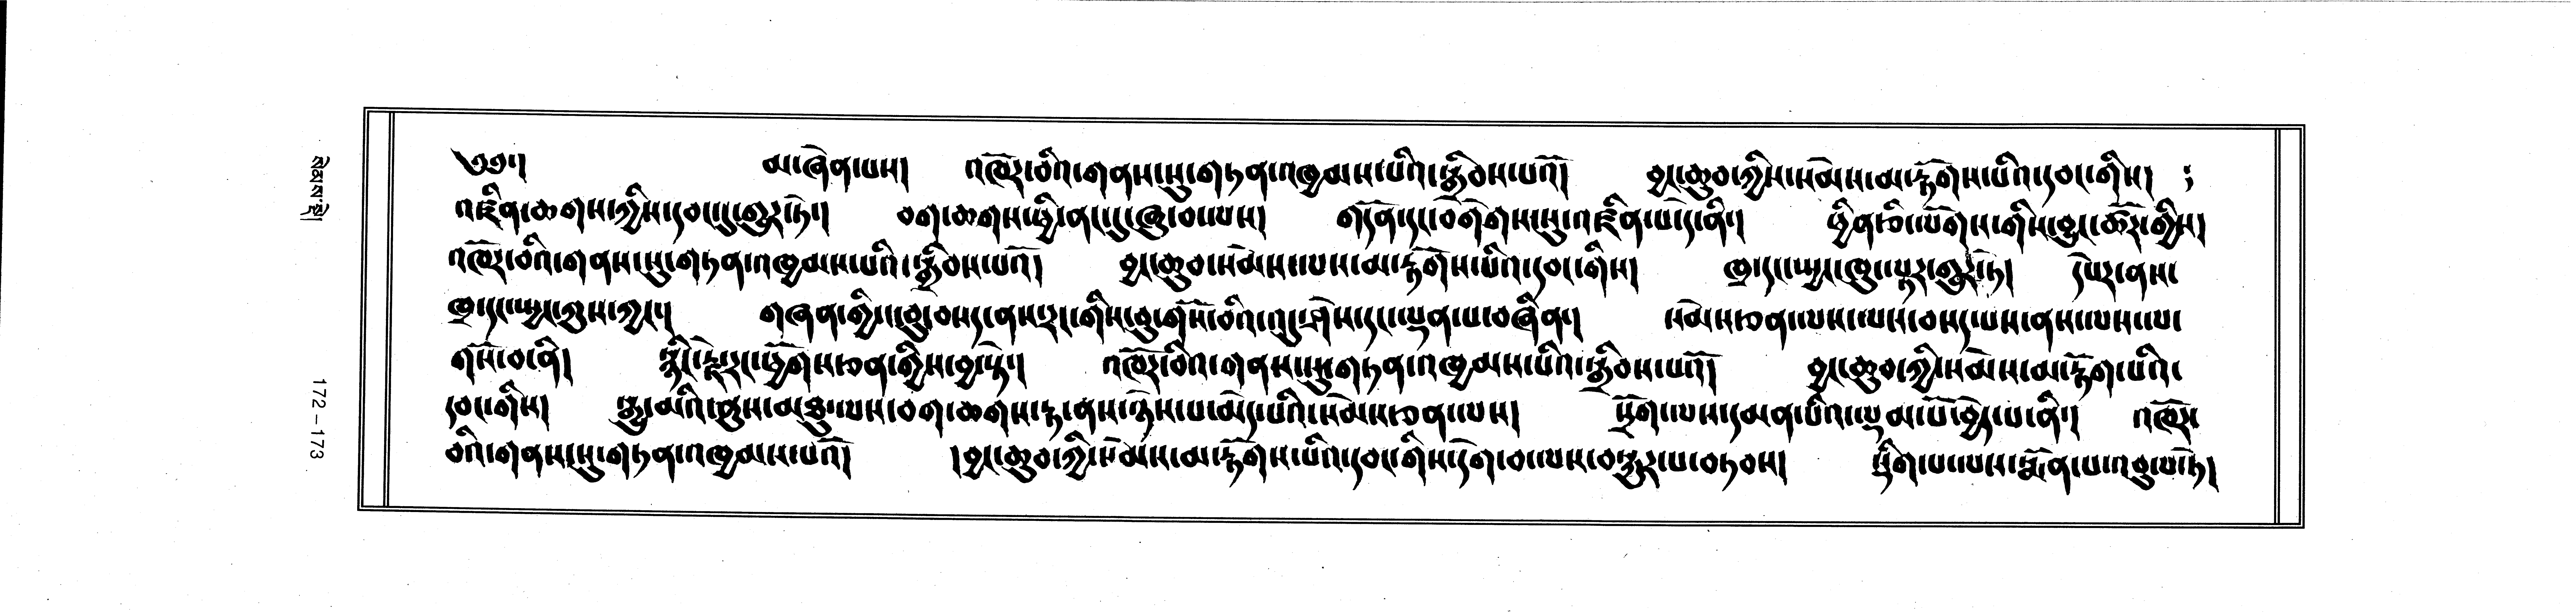མ་ཞེན་པས། འཁོར་བའི་གནས་སུ་གཏན་འཁྱམས་པའི་སྒྲིབ་པའོ། བྱང་ཆུབ་ཀྱིས་སེམས་མ་རྟོགས་པའི་དབང་གིས། 
འཛིན་ཆགས་ཀྱིས་དབང་དུ་གྱུར་ཏེ། བག་ཆགས་ཕྱི་ནང་དུ་ཞུ་བ་ལས། གདོན་དང་བགེགས་སུ་འཛིན་པ་དེ་ནི། ཕྱིན་ཅི་ལོག་གིས་བྱུང་ཚོར་གྱིས། 
འཁོར་བའི་གནས་སུ་གཏན་འཁྱམས་པའི་སྒྲིབ་པའི། བྱང་ཆུབ་སེམས་ལས་མ་རྟོགས་པའི་དབང་གིས། ཁྲ་དང་སྤྱང་ཁུ་ལྟར་གྱུར་ཏེ། དཔེར་ནས་
ཁྲ་དང་སྤྱང་ཀུས་ཀྱང་། གཞན་གྱིས་བུ་བསད་ནས་རང་གིས་བུ་གསོ་བའི་འདུ་ཤེས་དང་ལྡན་པ་བཞིན། སེམས་ཅན་ལ་ལས་བསད་པས་ནས་ལ་ལས་
གསོ་བ་ནི། སྙིང་རྗེ་རང་ཕྱོགས་ཅན་གྱིས་བྱ་སྟེ། འཁོར་བའི་གནས་སུ་གཏན་འཁྱམས་པའི་སྒྲིབ་པའོ། བྱང་ཆུབ་ཀྱི་སེམས་མ་རྟོགས་པའི་
དབང་གིས། སྒྱུ་མའི་ནུས་མཐུ་ལས་བག་ཆགས་རྟ་ནས་ཉེས་པ་མེད་པའི་སེམས་ཅན་ལས། སྲོག་ལས་དམན་པའི་ལྡམ་པོ་བྱེད་པ་ནི། འཁོར་
བའི་གནས་སུ་གཏན་འཁྱམས་པའོ། བྱང་ཆུབ་ཀྱིས་སེམས་མ་རྟོགས་པའི་དབང་གིས་དགེ་བ་ལས་བསྐུར་པ་བཏབས། སྡིག་པ་ལས་སྨོན་པ་འབུལ་ཏེ།